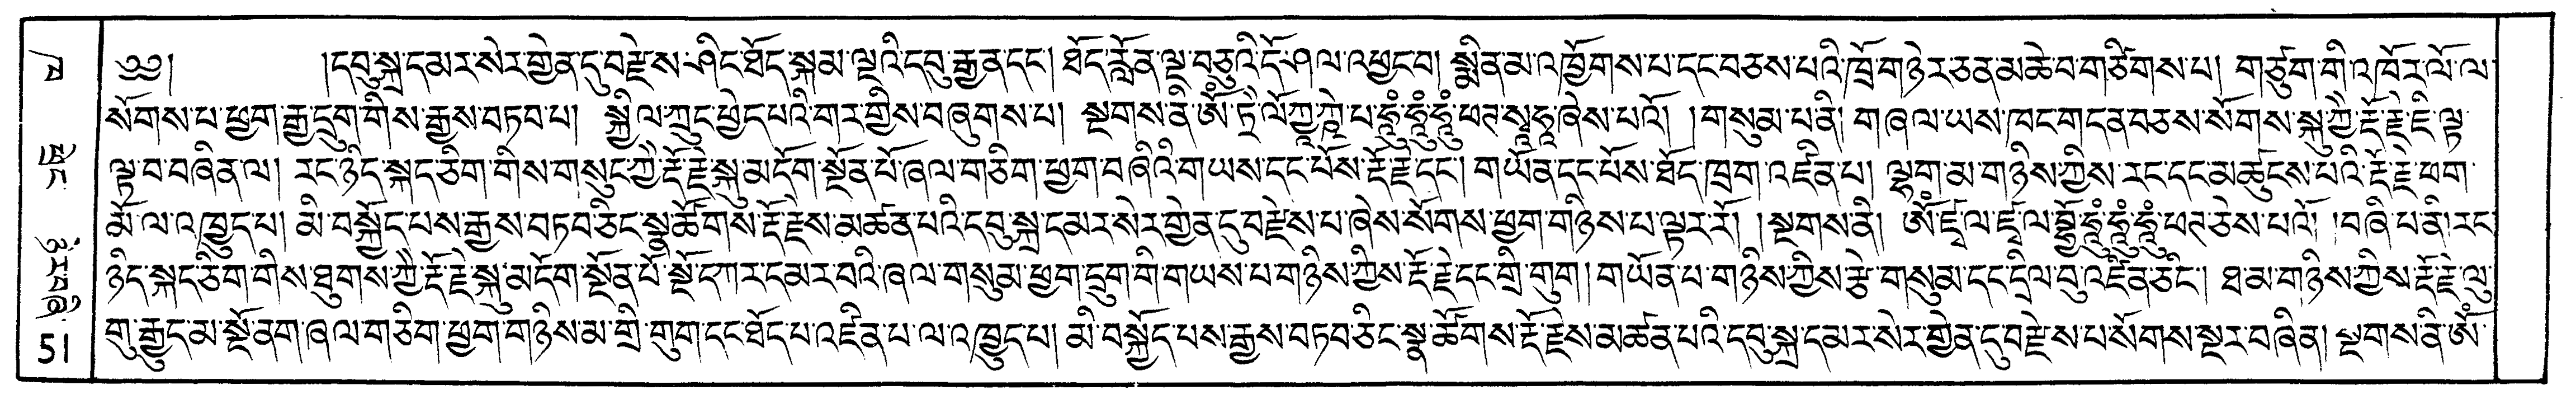༄༅། །དབུ་སྐྲ་དམར་སེར་གྱེན་དུ་བརྫེས་ཤིང་ཐོད་སྐམ་ལྔའི་དབུ་རྒྱན་དང་། ཐོད་རློན་ལྔ་བཅུའི་དོ་ཤལ་འཕྱང་བ། སྨིན་མ་འཁྱོགས་པ་དང་བཅས་པའི་ཁྲོ་གཉེར་ཅན་མཆེ་བ་གཙིགས་པ། གཙུག་གི་འཁོར་ལོ་ལ་
སོགས་པ་ཕྱག་རྒྱ་དྲུག་གིས་རྒྱས་བཏབ་པ། སྐྱིལ་ཀྲུང་ཕྱེད་པའི་གར་གྱིས་བཞུགས་པ། སྔགས་ནི་ཨོཾ་ཏྲཻ་ལོཀྱཱ་ཀྵེ་པ་ཧཱུཾ་ཧཱུཾ་ཧཱུཾ་ཕཊ་སྭཱཧཱ་ཞེས་པའོ། །གསུམ་པ་ནི། གཞལ་ཡས་ཁང་གདན་བཅས་སོགས་སྐུ་ཀྱཻ་རྡོ་རྗེ་ཇི་ལྟ་
ལྟ་བ་བཞིན་ལ། རང་ཉིད་སྐད་ཅིག་གིས་གསུང་ཀྱཻ་རྡོ་རྗེ་སྐུ་མདོག་སྔོན་པོ་ཞལ་གཅིག་ཕྱག་བཞིའི་གཡས་དང་པོས་རྡོ་རྗེ་དང་། གཡོན་དང་པོས་ཐོད་ཁྲག་འཛིན་པ། ལྷག་མ་གཉིས་ཀྱིས་རང་དང་མཚུངས་པའི་རྡོ་རྗེ་ཕག་
མོ་ལ་འཁྱུད་པ། མི་བསྐྱོད་པས་རྒྱས་བཏབ་ཅིང་སྣ་ཚོགས་རྡོ་རྗེས་མཚན་པའི་དབུ་སྐྲ་དམར་སེར་གྱེན་དུ་བརྫེས་པ་ཞེས་སོགས་ཕྱག་གཉིས་པ་ལྟར་རོ། །སྔགས་ནི། ཨོཾ་ཛྭ་ལ་ཛྭ་ལ་བྷྱོ་ཧཱུཾ་ཧཱུཾ་ཧཱུཾ་ཕཊ་ཅེས་པའོ། །བཞི་པ་ནི། རང་
ཉིད་སྐད་ཅིག་གིས་ཐུགས་ཀྱཻ་རྡོ་རྗེ་སྐུ་མདོག་སྔོན་པོ་སྔོ་དཀར་དམར་བའི་ཞལ་གསུམ་ཕྱག་དྲུག་གི་གཡས་པ་གཉིས་ཀྱིས་རྡོ་རྗེ་དང་གྲི་གུག །གཡོན་པ་གཉིས་ཀྱིས་རྩེ་གསུམ་དང་དྲིལ་བུ་འཛིན་ཅིང་། ཐ་མ་གཉིས་ཀྱིས་རྡོ་རྗེ་ལུ་
གུ་རྒྱུད་མ་སྔོ་ནག་ཞལ་གཅིག་ཕྱག་གཉིས་མ་གྲི་གུག་དང་ཐོད་པ་འཛིན་པ་ལ་འཁྱུད་པ། མི་བསྐྱོད་པས་རྒྱས་བཏབ་ཅིང་སྣ་ཚོགས་རྡོ་རྗེས་མཚན་པའི་དབུ་སྐྲ་དམར་སེར་གྱེན་དུ་བརྫེས་པ་སོགས་སྔར་བཞིན། སྔགས་ནི་ཨོཾ་